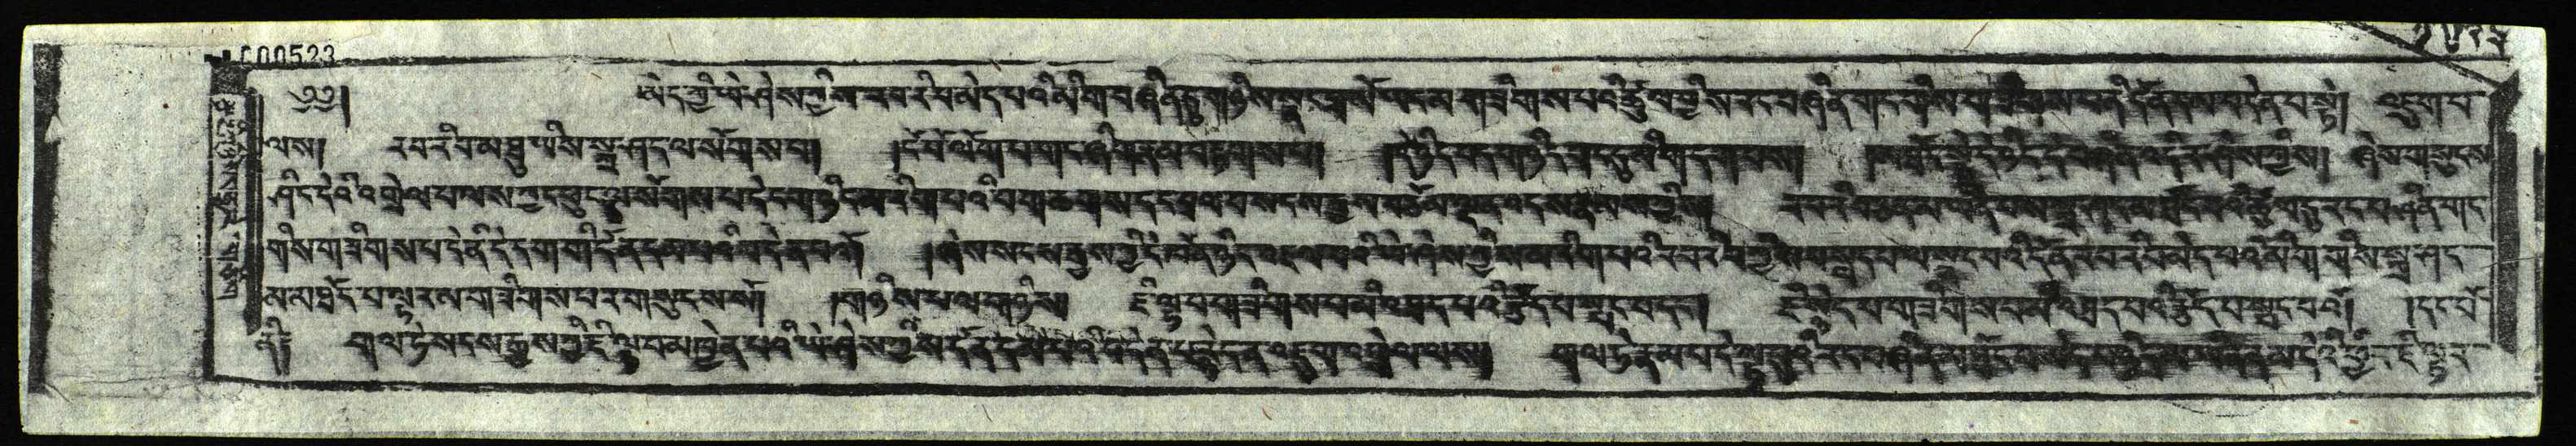༄༅། །མེད་ཀྱི་ཡེ་ཤེས་ཀྱིས་རབ་རིབ་མེད་པའི་མིག་བཞིན་དུ་གཉིས་སྣང་བླ་སོ་ཡང་མ་གཟིགས་པའི་ཚུལ་གྱིས་རང་བཞིན་གང་གིས་གཟིགས་པ་ནི་དོན་དམ་བདེན་པ་སྟེ། འཇུག་པ་
ལས། རབ་རིབ་མཐུ་ཡིས་སྐྲ་ཤད་ལ་སོགས་པ། །ངོ་བོ་ལོག་པ་གང་ཞིག་རྣམ་བརྟགས་པ། །དེ་ཉིད་བད་གཉིད་གང་དུ་མིག་དག་པས། །མཐོང་སྐྱེ་དེ་ཉིད་དེ་བཞིན་འདིར་ཤེས་ཀྱིས། ཞེས་གསུངས་
ཤིང་དེའི་འགྲེལ་པ་ལས་ཀྱང་ཕུང་ལ་སོགས་པ་དེ་དག་ཉིད་མ་རིག་པའི་བག་ཆགས་དང་བྲལ་བ་སངས་རྒྱས་བཅོམ་ལྡན་འདས་རྣམས་ཀྱིས། རབ་རིབ་ཅན་མ་ཡིན་པས་སྐྲ?་ཤད་མ་ཐོང་བའི་ཚུལ་དུ་རང་བཞིན་གང་
གིས་གཟིགས་པ་དེ་ནི་དེ་དག་གི་དོན་དམ་པའི་བདེན་པའོ། །ཞེས་སངས་རྒྱས་ཀྱི་དེ་ཁོ་ན་ཉིད་འཇལ་བའི་ཡེ་ཤེས་ཀྱིས་མ་རིག་པའི་རབ་རིབ་ཀྱིས་བསླད་པ་ལ་སྤང?་བའི་དོན་རབ་རིབ་མེད་པའི་མིག་གིས་སྐྲ་ཤད་
མ་མཐོང་བ་ལྟར་མ་གཟིགས་པར་གསུངས་སོ། །གཉིས་པ་ལ་གཉིས། ཇི་ལྟ་བ་གཟིགས་པ་མི་འཐད་པའི་རྩོད་པ་སྤང་བ་དང་། ཇི་སྙེད་པ་གཟིགས་པ་མི་འཐད་བའི་རྩོད་པ་སྤང་བའོ། །དང་པོ་
ནི༑ གལ་ཏེ་སངས་རྒྱས་ཀྱི་ཇི་ལྟ་བ་མཁྱེན་པའི་ཡེ་ཤེས་ཀྱིས་དོན་དམ་པའི་བདེན་པ་རྙེད་ན་འཇུག་འབྲེལ་ལས། གལ་ཏེ་རྣམ་པ་དེ་ལྟ་བུའི་རང་བཞིན་མཐོང་བ་མེད་པ་ཉིད་མ་ཡིན་ནམ་དེའི་ཕྱིར་ཇི་ལྟར་